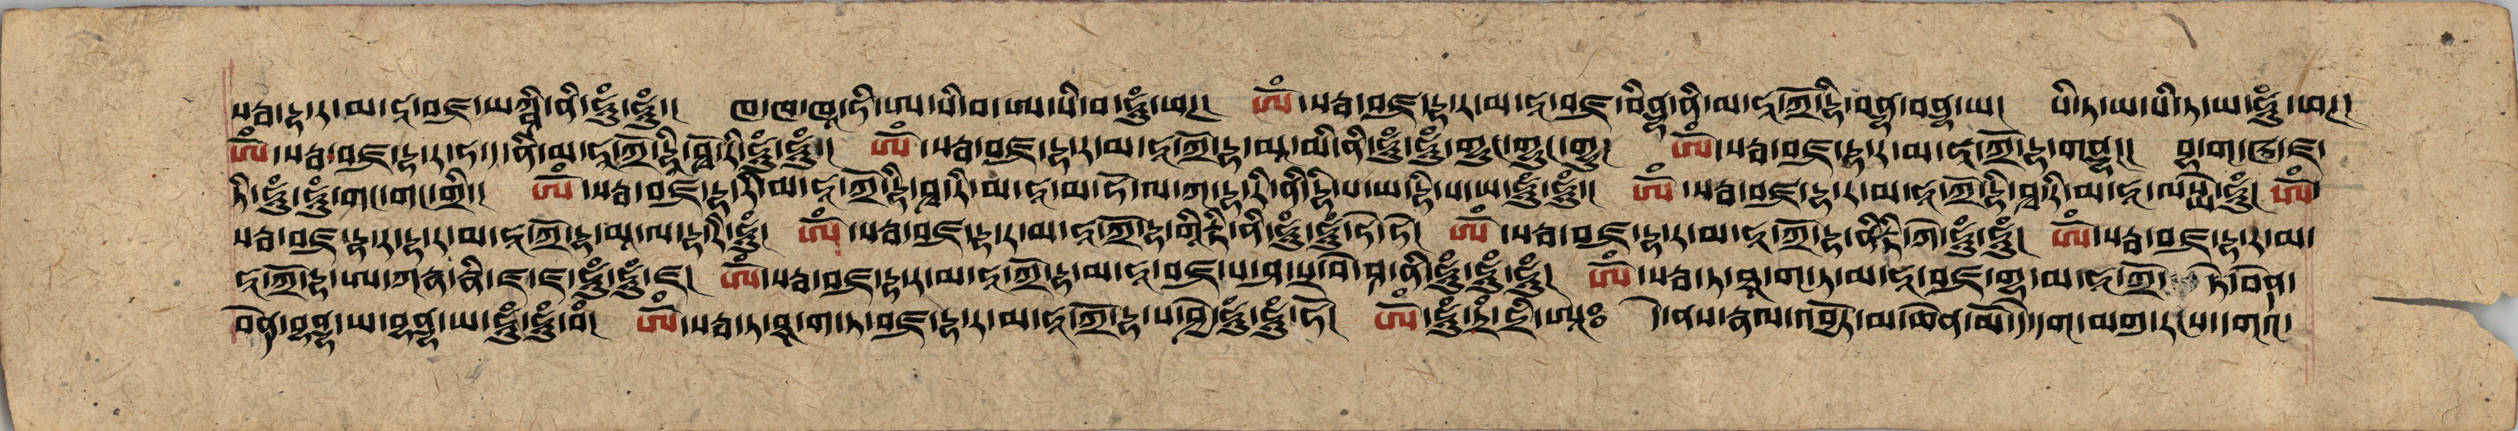སརྦ་རྷ་ར་མ་ཧཱ་བཛྲ་ཡཀྴི་ནི་ཧཱུཾ་ཧཱུཾ་། ཁ་ཁ་ཁཱ་ཧི་ཨ་སི་བ་ཨ་སི་བ་ཧཱུཾ་ཕཊ། ཨོཾ་སརྦ་བཛྲ་དྷ་ར་མ་ཧཱ་བཛྲ་བིནྡྷ་ནཱི་མ་ཧཱ་ཀྲོ་དྷི་བནྡྷ་བནྡྷ་ཡ། པི་ཏ་ཡ་པི་ཏ་ཡ་ཧཱུཾ་ཕཊ།
ཨོཾ་སརྦ་བཛྲ་དྷ་ར་ཧ་ད་ནི་མ་ཧཱ་ཀྲོ་དྷཱི་ཤྭོ་རི་ཧཱུཾ་ཧཱུཾ་། ཨོཾ་སརྦ་བཛྲ་དྷ་ར་མ་ཧཱ་ཀྲོ་དྷ་མཱ་མི་ནི་ཧཱུཾ་ཧཱུཾ་གྷུང་གྷུང་གྷུ། ཨོཾ་སརྦ་བཛྲ་དྷ་ར་མ་ཧཱ་ཀྲོ་དྷ་གནྡྷ།། བྷ་ག་ཝ་ཛ་
ཏི་ཧཱུཾ་ཧཱུཾ་གང་གང་གྲི་། ཨོཾ་སརྦ་བཛྲི་དྷ་ཏི་མ་ཧཱ་ཀྲོ་དྷི་ཤྭ་རི་མ་ཧཱ་མ་ཧོ་ལ་ཀ་དྷ་རི་ནི་དྷི་པ་ཡ་དྷི་པ་ཡ་ཧཱུཾ་ཧཱུཾ་། ཨོཾ་སརྦ་བཛྲ་དྷ་ར་མ་ཧཱ་ཀྲོ་དྷི་ཤྭ་རི་མ་ཧཱ་ལསྻེ་ཧཱུཾ། ཨོཾ་
སརྦ་བཛྲ་དྷ་ར་དྷ་ར་མ་ཧཱ་ཀྲོ་དྷ་མཱ་ལ་དྷ་རི་ཧཱུཾ་། ཨོཾ་སརྦ་བཛྲ་དྷ་ར་མ་ཧཱ་ཀྲོ་དྷ་གཱིརྟི་ནི་ཧཱུཾ་ཧཱུཾ་ཧེ་ཧེ། ཨོཾ་སརྦ་བཛྲ་དྷ་ར་མ་ཧཱ་ཀྲོ་དྷ་ནིརྟི་ཀེ་ཧཱུཾ་ཧཱུཾ། ཨོཾ་སརྦ་བཛྲ་དྷ་ར་མ་
ཧཱ་ཀྲོ་དྷ་ཨ་ཀརྣ་རྣི་ཛ་ཛ་ཧཱུཾ་ཧཱུཾ་ཛ། ཨོཾ་སརྦ་བཛྲ་དྷ་ར་མ་ཧཱ་ཀྲོ་དྷ་མ་ཧཱ་བཛྲ་པ་ཤ་པྲ་བེ་ཤ་ནི་ཧཱུཾ་ཧཱུཾ་ཧཱུཾ། ཨོཾ་སརྦ་ཏ་ཐཱ་ག་ཏ་མ་ཧཱ་བཛྲ་གྷ་མ་ཧཱ་ཀྲོ་ཏེ་བེདན་
བནྡེ་བྷནྡྷ་ཡ་བྷནྡྷ་ཡ་ཧཱུཾ་ཧཱུཾ་བཾ། ཨོཾ་སརྦ་ཏ་ཐཱ་ག་ཏ་བཛྲ་དྷ་ར་མ་ཧཱ་ཀྲོ་དྷ་ས་ཤྱེ་ཧཱུཾ་ཧཱུཾ་ཧོ། ཨོཾ་ཧཱུཾ་ཏྲཾ་ཧྲི་ཨཱཿ དེ་ནས་རྣལ་འབྱོར་མ་ཆེན་མོ་དེ་དག་མགུ་རངས་དགའ་